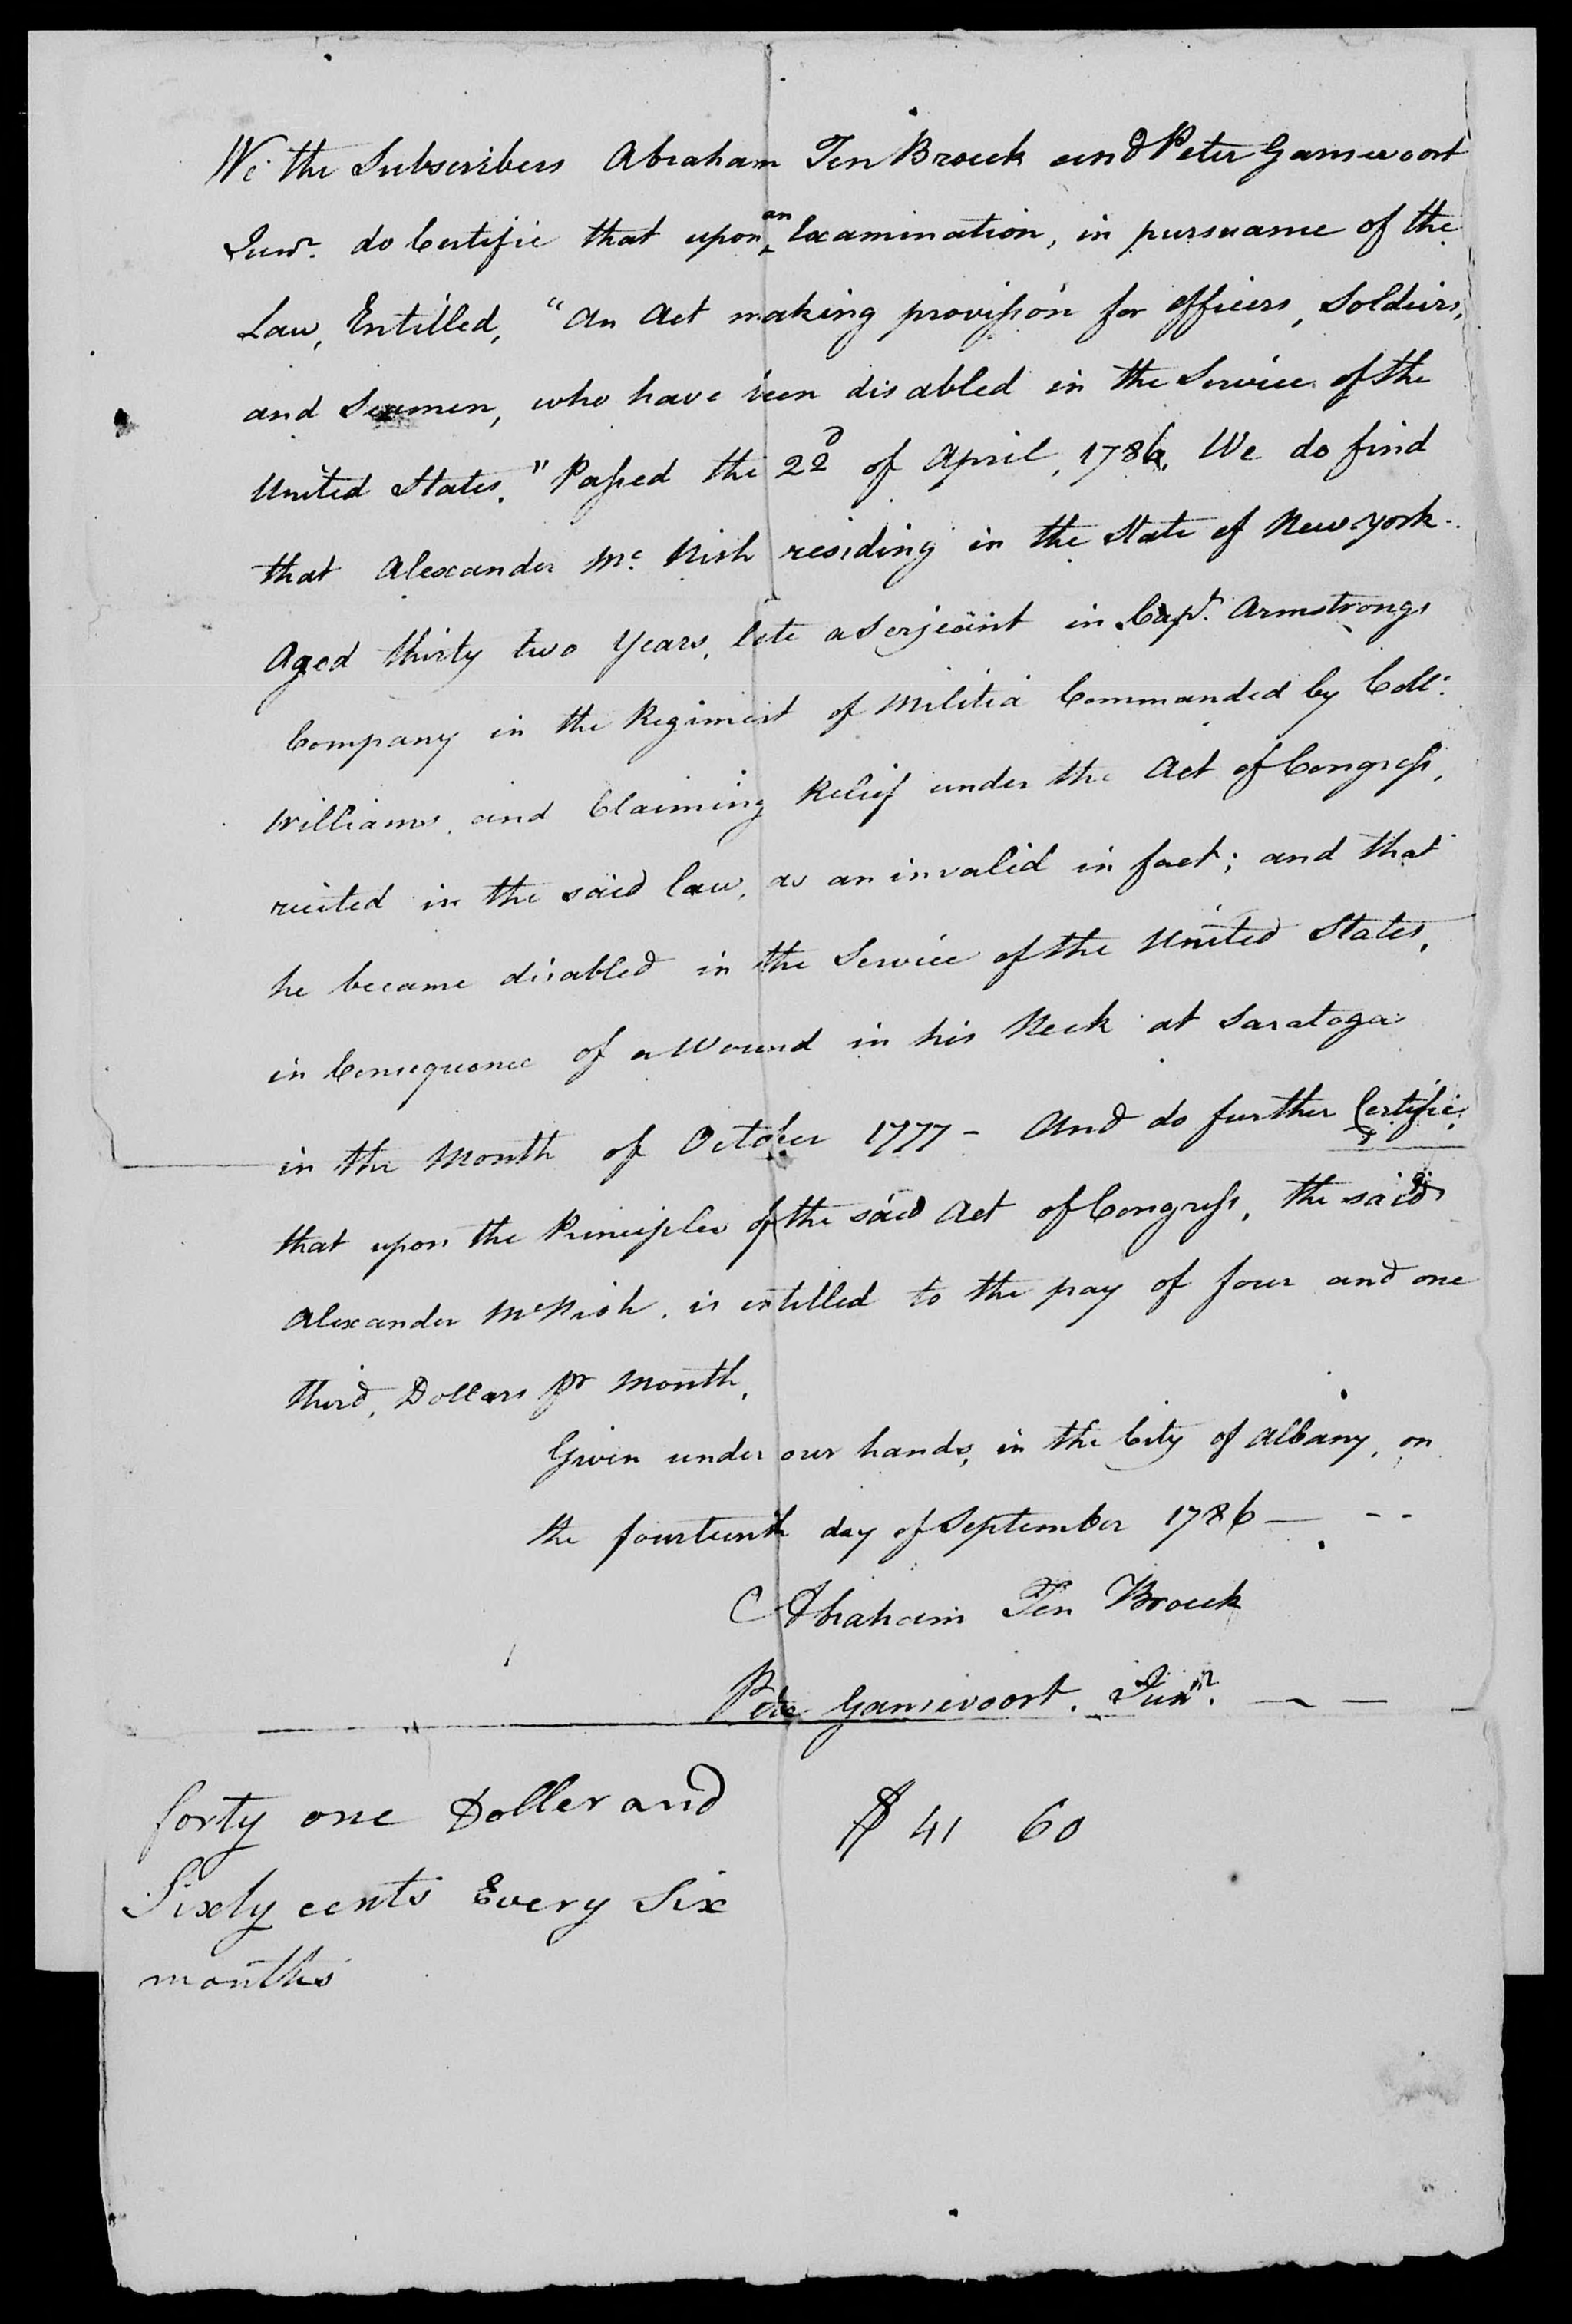We the subscribers Abraham Ten Broeck and Peter Gansvoort Jun. do certify that upon and examination in pursuance of the Law entitled "An Act of making provision for officers, soldiers, and (illegible), who have been disabled in the services of the United States" passed the 22d of April 1786. We do find that Alexander McNish residing in the State of New York aged thirty two years, late a sergeant in Capt. Armstrong's company in the Regiment of Militia commanded by Col. Williams and claiming relief under the Act of Congress recited in the said law, as an invalid in fact; and that he became disabled in the Service of the United States in consequence of a wound in his neck at Saratoga in the month of October 1777. And do further certify that upon the principles of the said act of Congress, the said Alexander McNish is entitled to the pay of four and one third dollars per month. 
Given under our hands, in the City of Albany, on the fourteenth day of September 1786. 
C Abraham Ten Broeck
Peter Gansvoort Jun 

forty one dollar and
sixty cents every six
months

$41.60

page: 5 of 42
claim: widow's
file: W. 23,937 S. 28094, for Alexander Mc Nish, New York